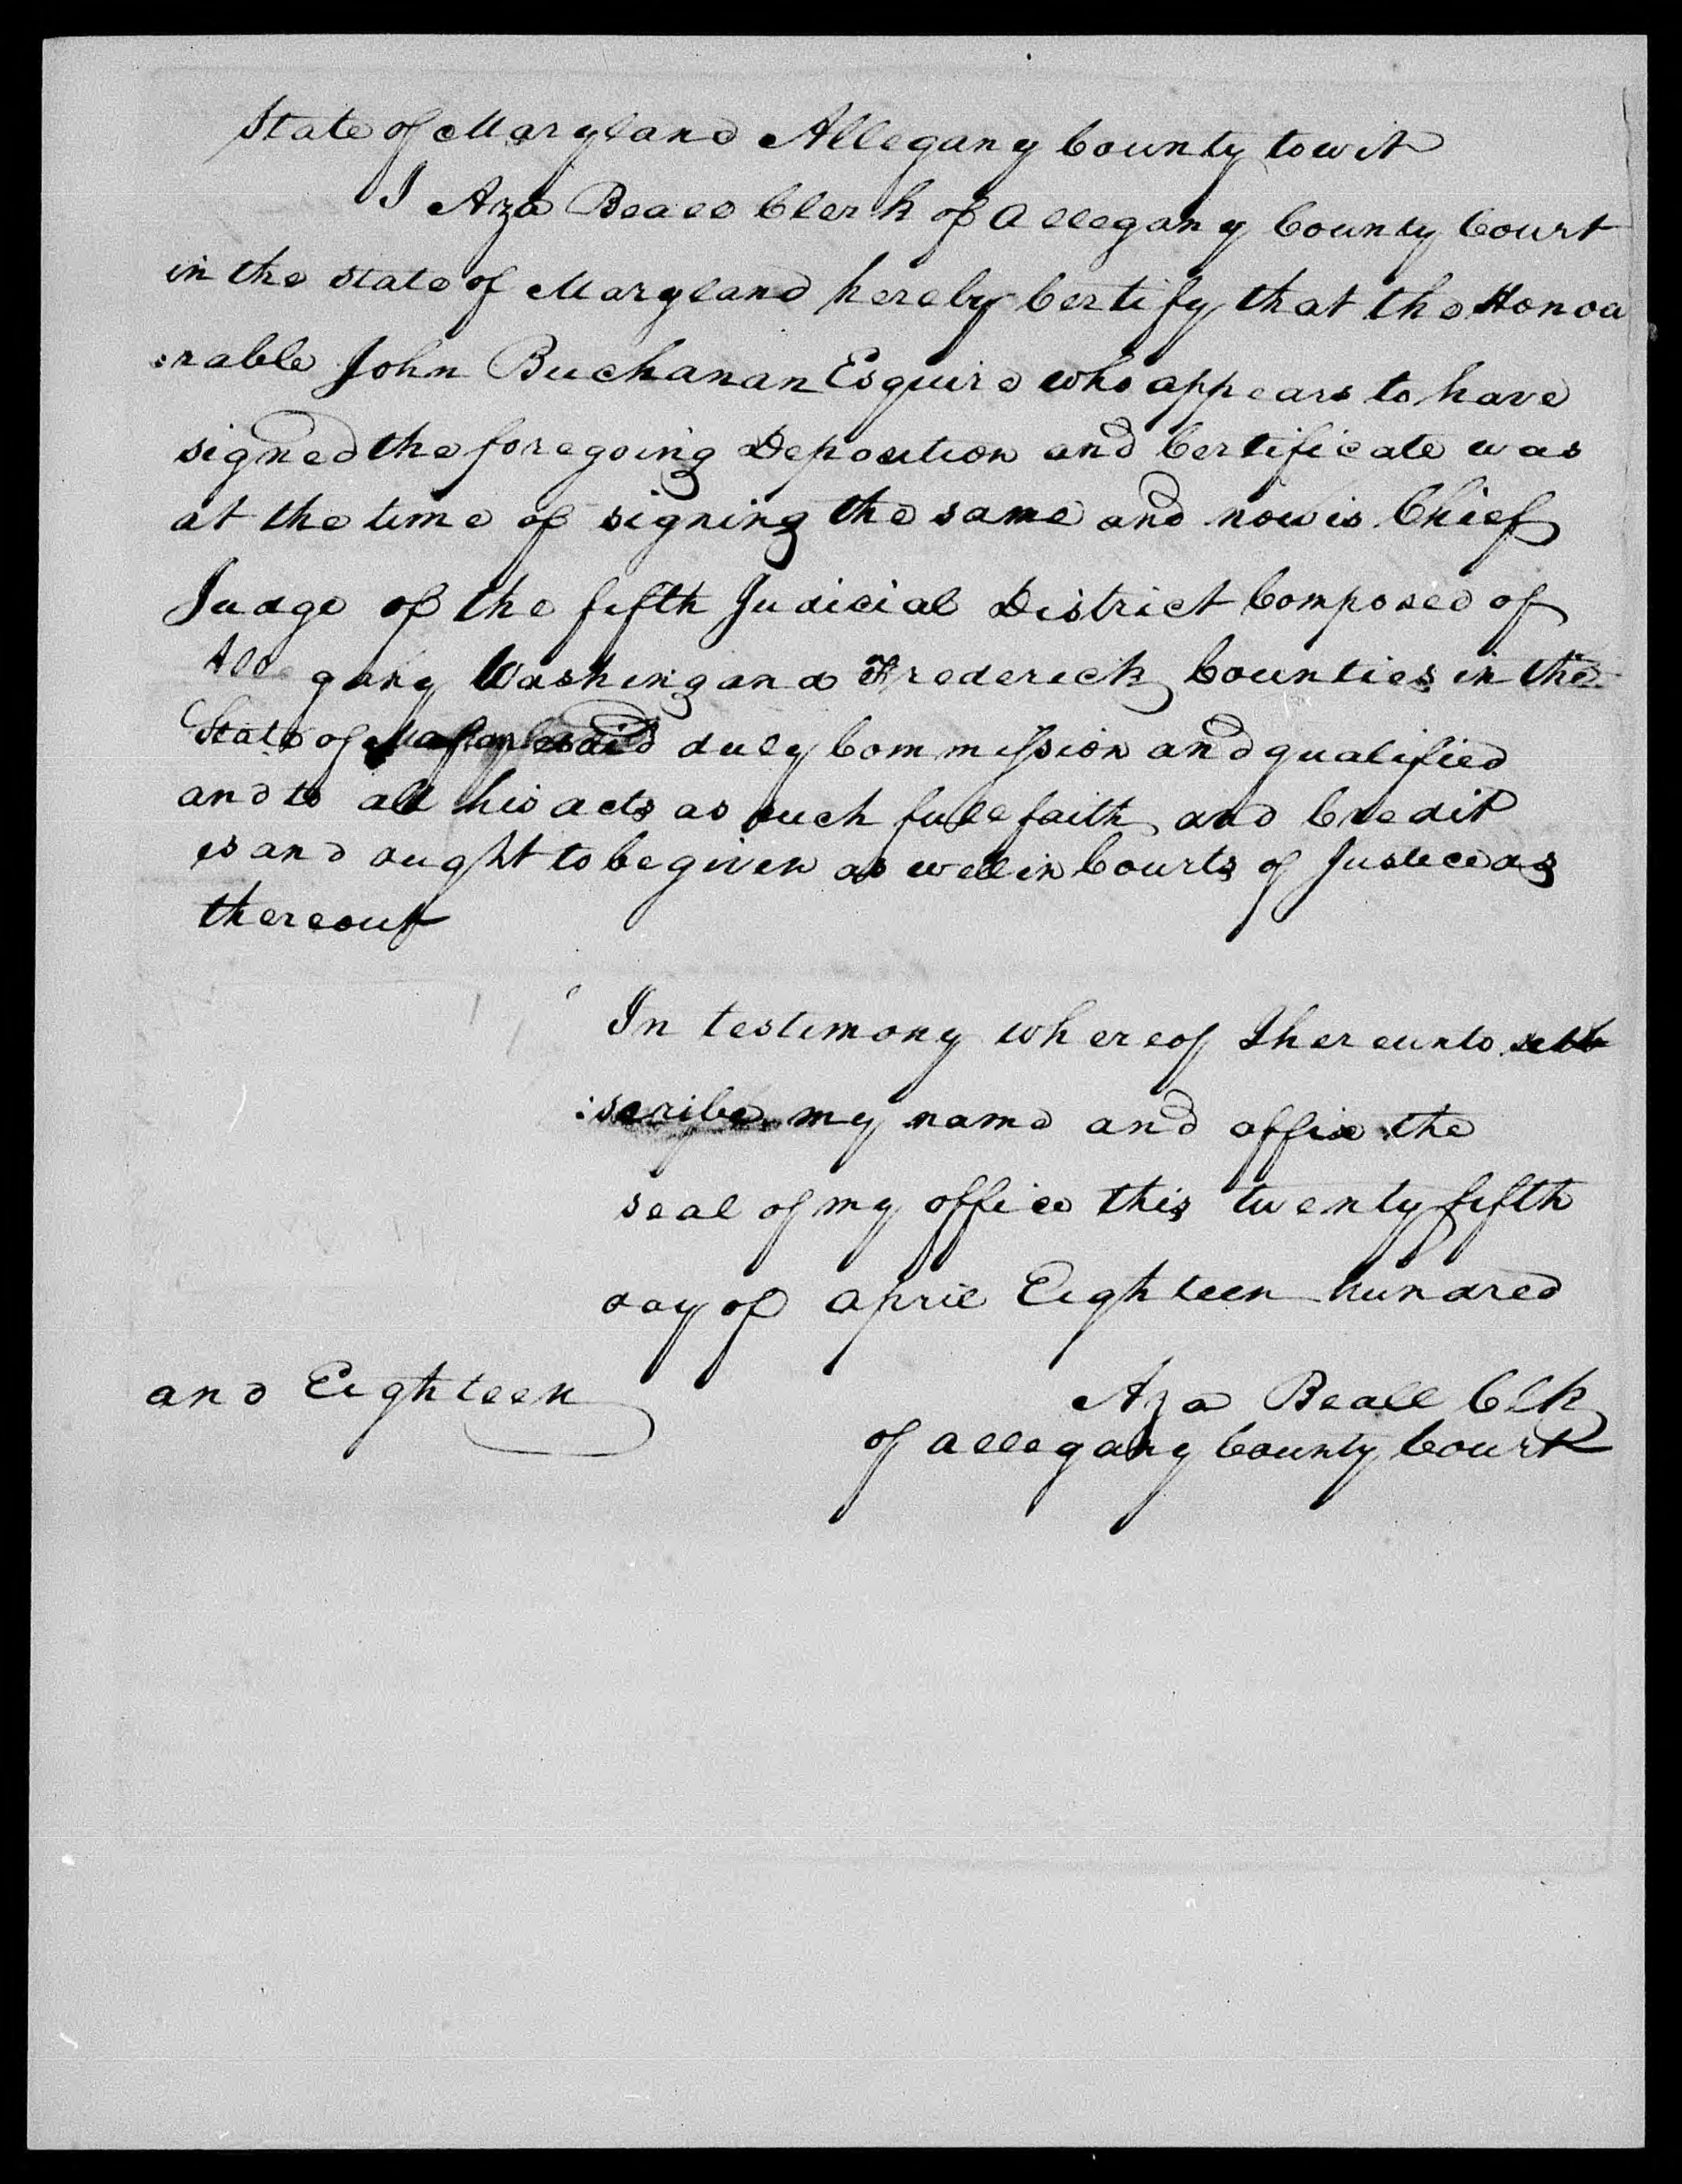State of Maryland Allegany County to wit

I Aza Beall Clerk of Allegany County Court in the state of Maryland hereby certify that the Honorable John Buchanan Esquire who appears to have signed the foregoing Deposition and Certificate was at the time of signing the same and now is Chief Judge of the fifth Judicial District Composed of Allegany, Washington and Frederick Counties in the State of Maryland duly Commision and qualified and to all his acts as such full faith and credit is and ought to be given as well in Courts of Justice thereof.

In testimony whereof I hereunto scribe my name and affix the seal of my office this twenty fifth day of April Eighteen hundred and Eighteen
Aza Beall Clk
of Allegany County Court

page: 3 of 13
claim: survivor's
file: S. 34973, for Nathaniel Beale Magruder, Maryland